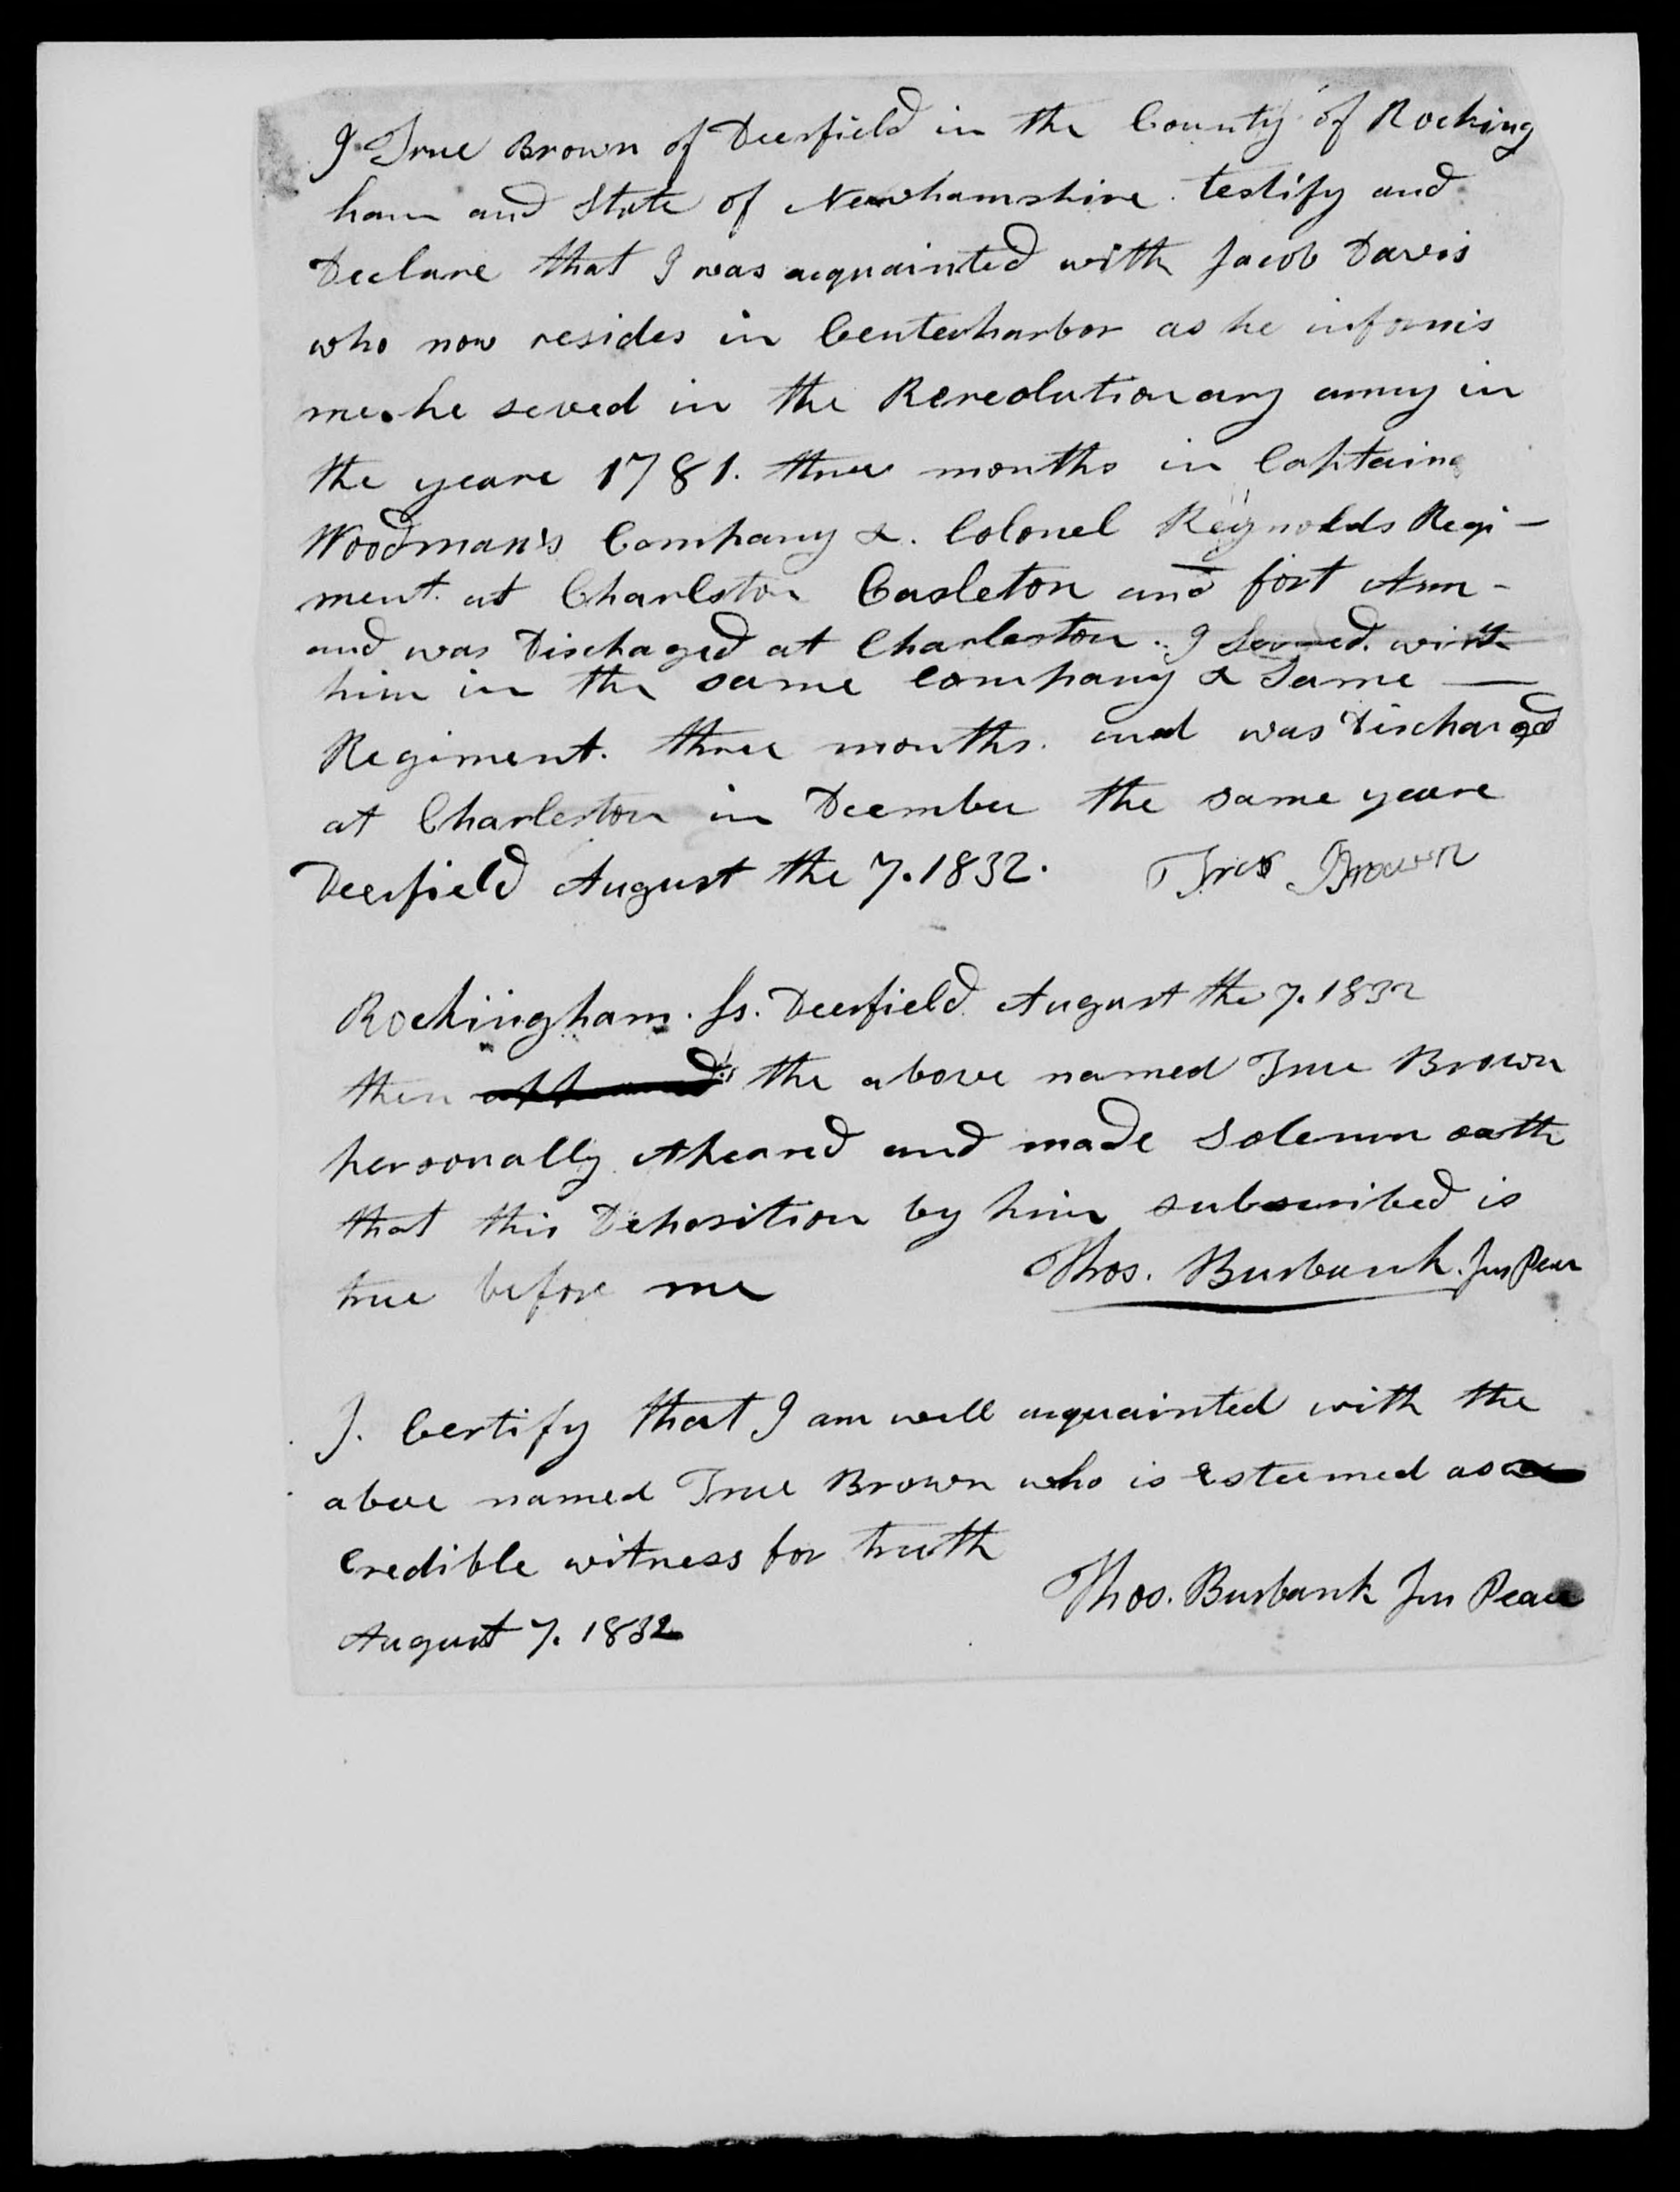I True Brown of Deerfield in the County of Rockingham and State of New hamshire [Hampshire] testify and Declare that I was acquainted with Jacob Davis who now resides in Center Harbor as he informs me. he seved [served] in the Revolutionary army in
the year 1781. three months in Captain Woodman's Company and Colonel Reynolds Regiment at Charlston [Charleston] Carleton [Castleton?] and fort Ann and was discharged at Charleston. I served with him in the same company and same - Regiment three months and was discharged at Charleston in December the same year Deerfield August the 7. 1832
True Brown
Rockingham ss. Deerfield August the 7. 1832
then [crossed out] appeared the above named True Brown
personally apeared and made solemn oath that this Deposition by him subscribed is true before me
Thos. Burbank Jus Peace
I Certify that I am well acquainted with the
above named True Brown who is esteemed as a
credible witness for truth
August 7. 1832
Thos. Burbank Jus Peace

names: Thos Burbank, Jacob Davis, True Brown, True Brown, Thos Burbank, True Brown, True Brown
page: 30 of 47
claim: widow's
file: W. 24043, Jacob Davis, N.H.